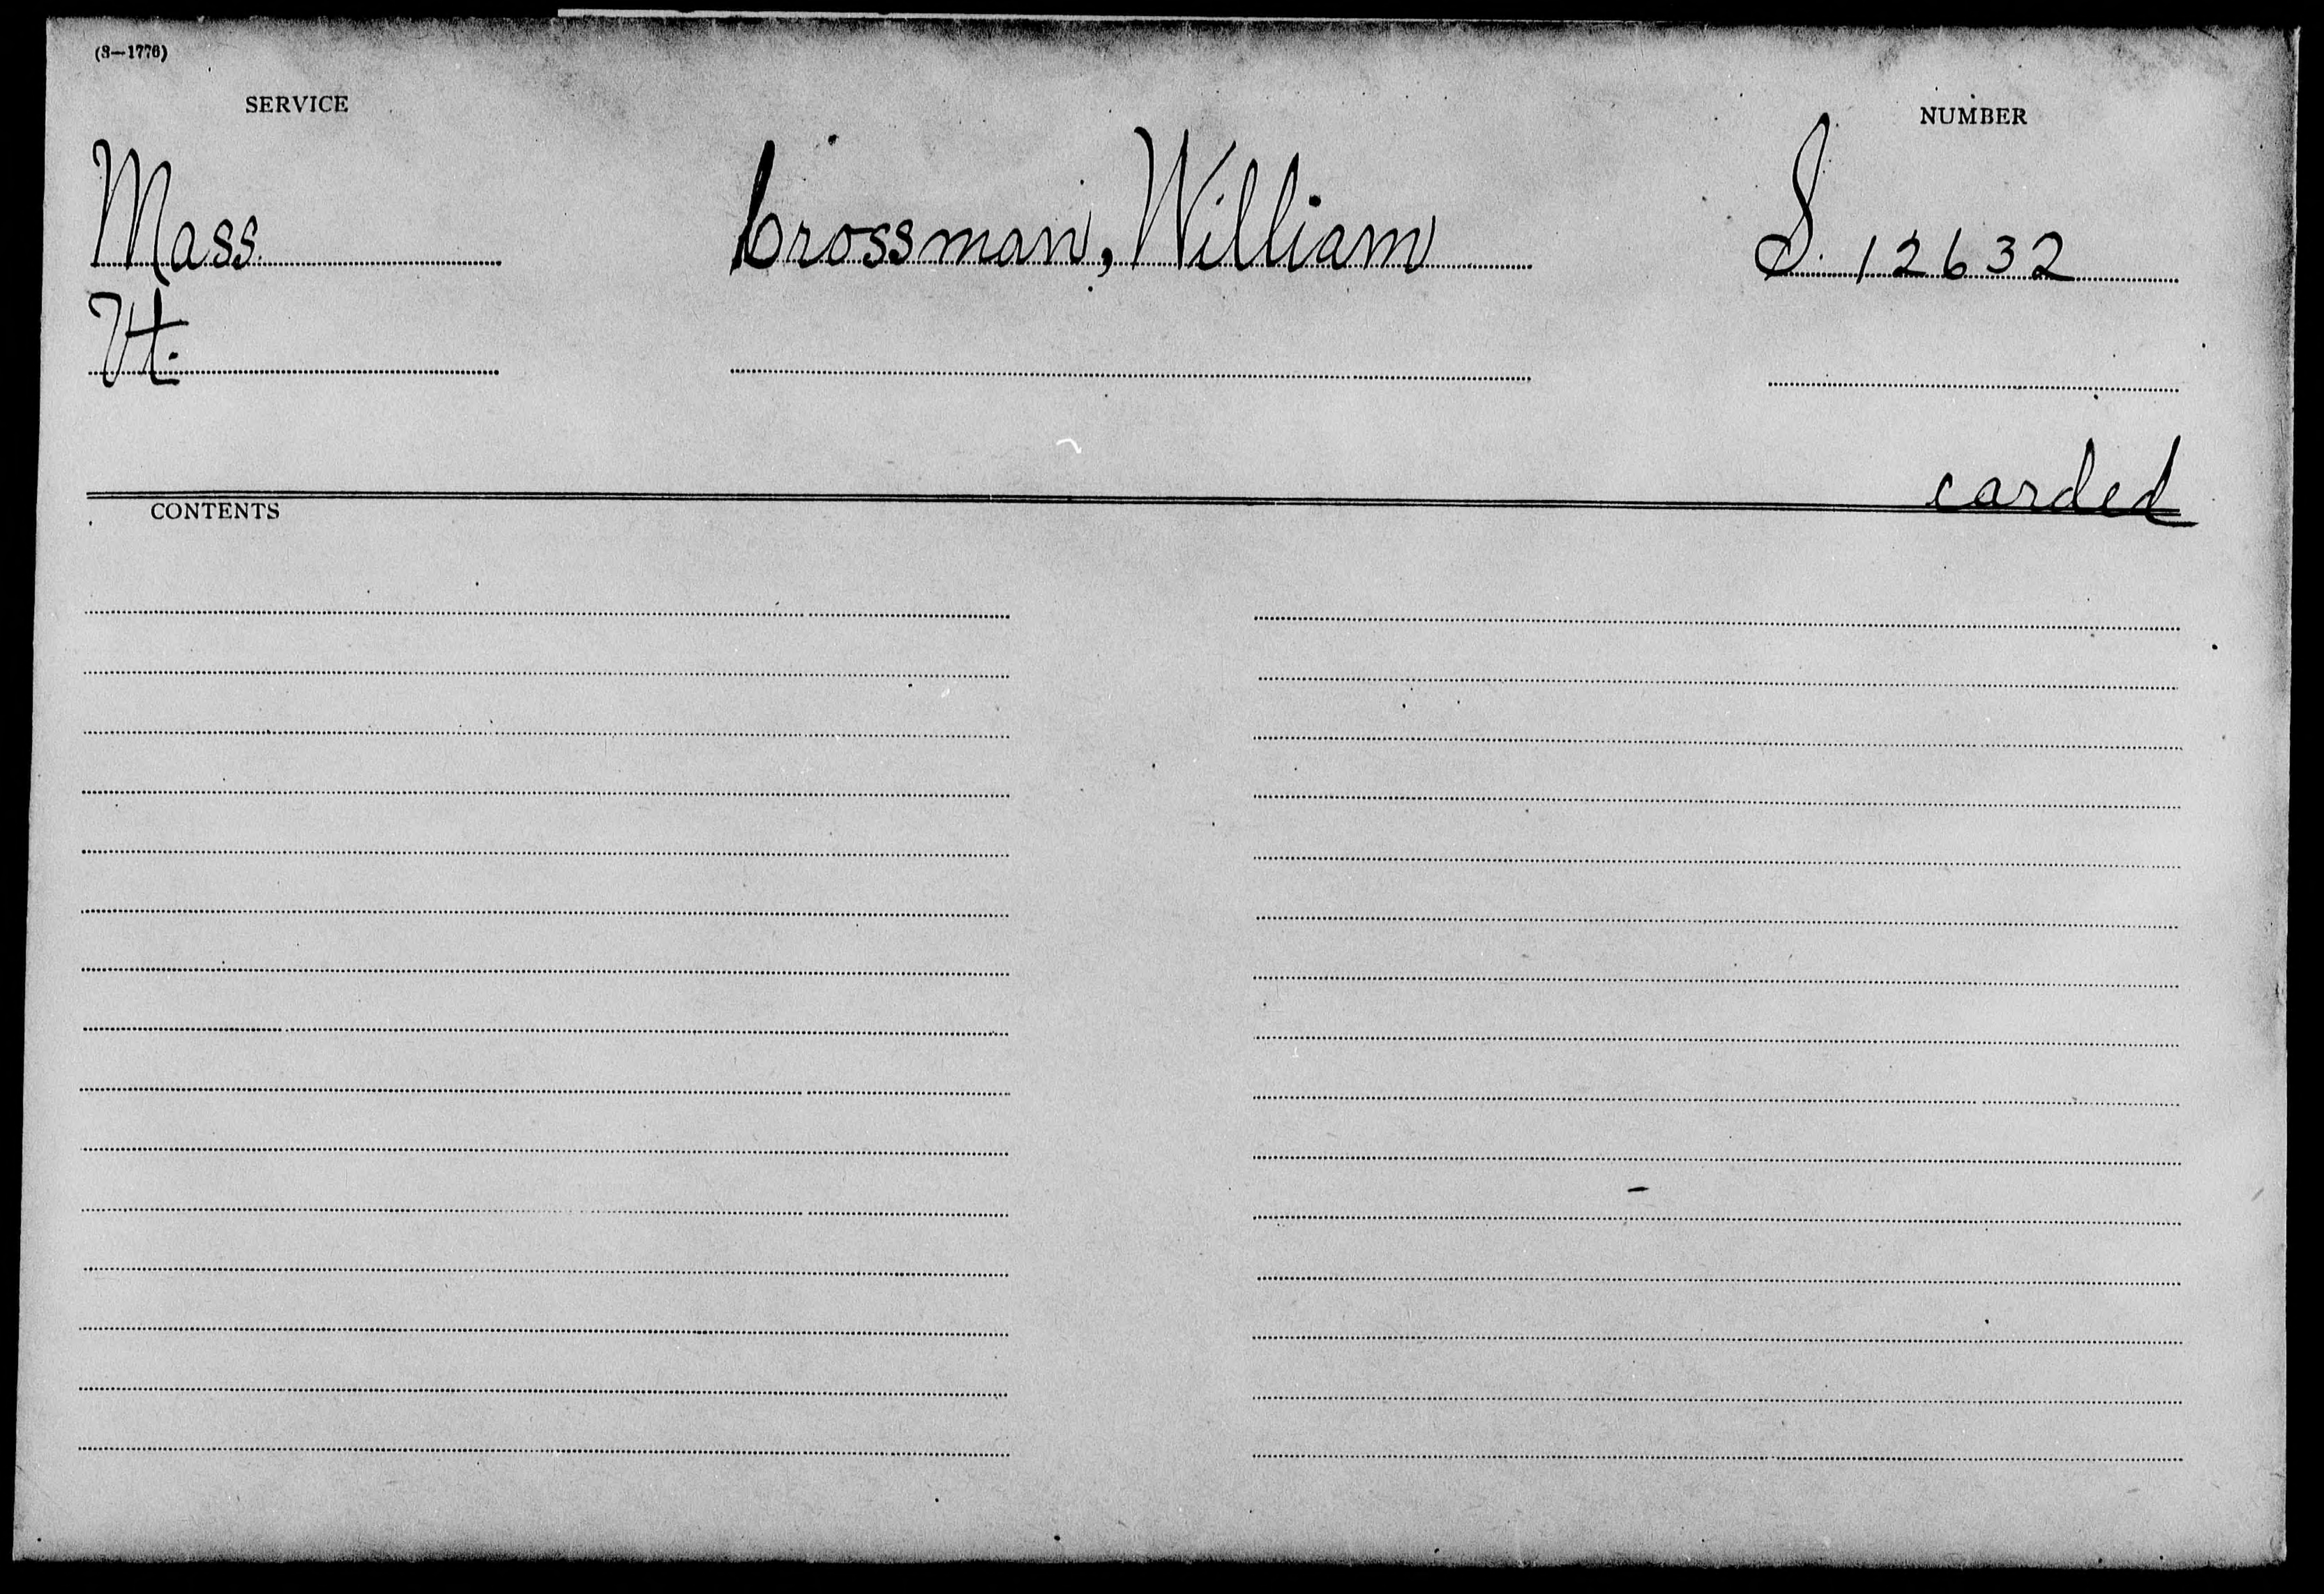Service
Mass.
Vt.

Crossman, William

Number
S12632

Carded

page: 1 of 33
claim: survivor's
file: S. 12632, William Crossman, Mass. Vt.